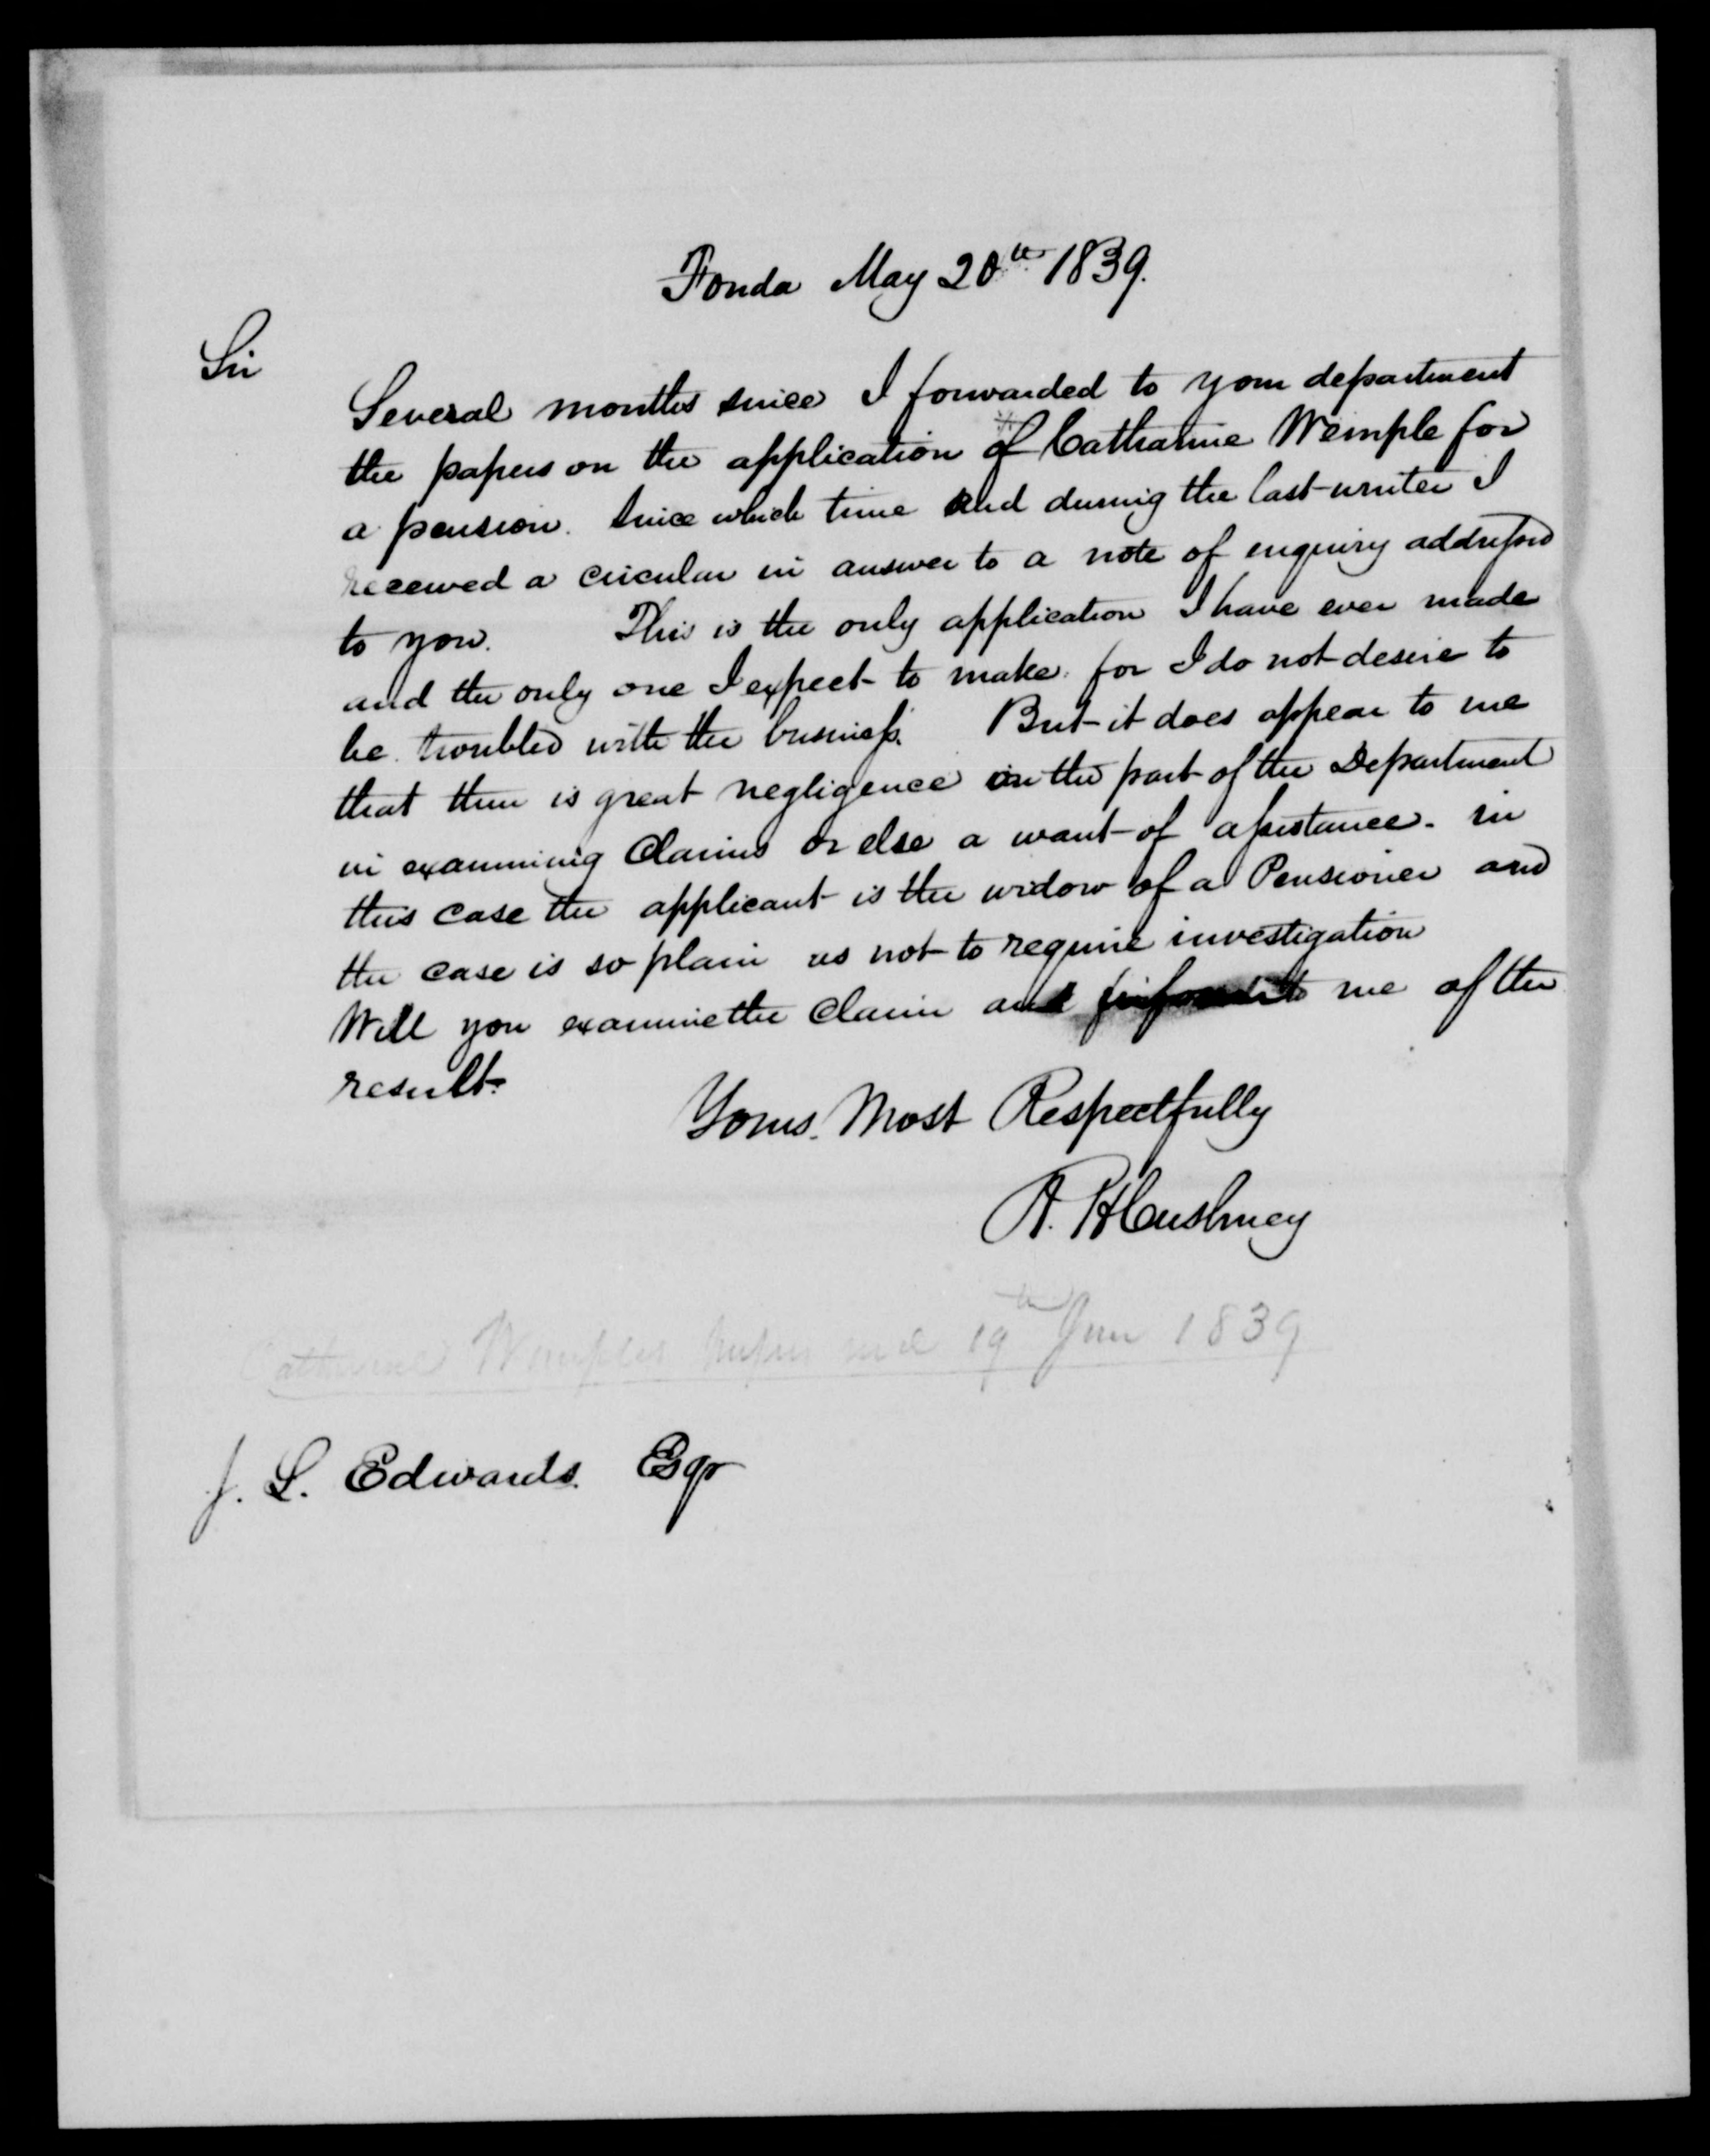Fonda May 20th 1839

Sir
Several months since I forwarded to your department
the papers on the application of Catharine Wemple for
a pension. Since which time and during the last winter I
received a circular in answer to a note of enquiry addressed
to you.
This is the only application I have ever made
and the only one I expect to make, for I do not desire to
be troubled with the business.
But it does appear to me
that there is great negligence in the part of the Department
in examining claims or else a want of assistance in
this case the applicant is the widow of a Pensioner and
the case is so plain as not to require investigation
Will you examine the claim and [illegible] me of the
result.

Yours, Most Respectfully
R. H Cushney

Catharine Wemples [illegible] [illegible] 19th Jun 1839

J. L. Edwards Esqr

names: J L Edwards, R H Cushney, Catharine Wemple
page: 31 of 51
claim: widow's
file: W. 19604, Myndert B Wemple, New York